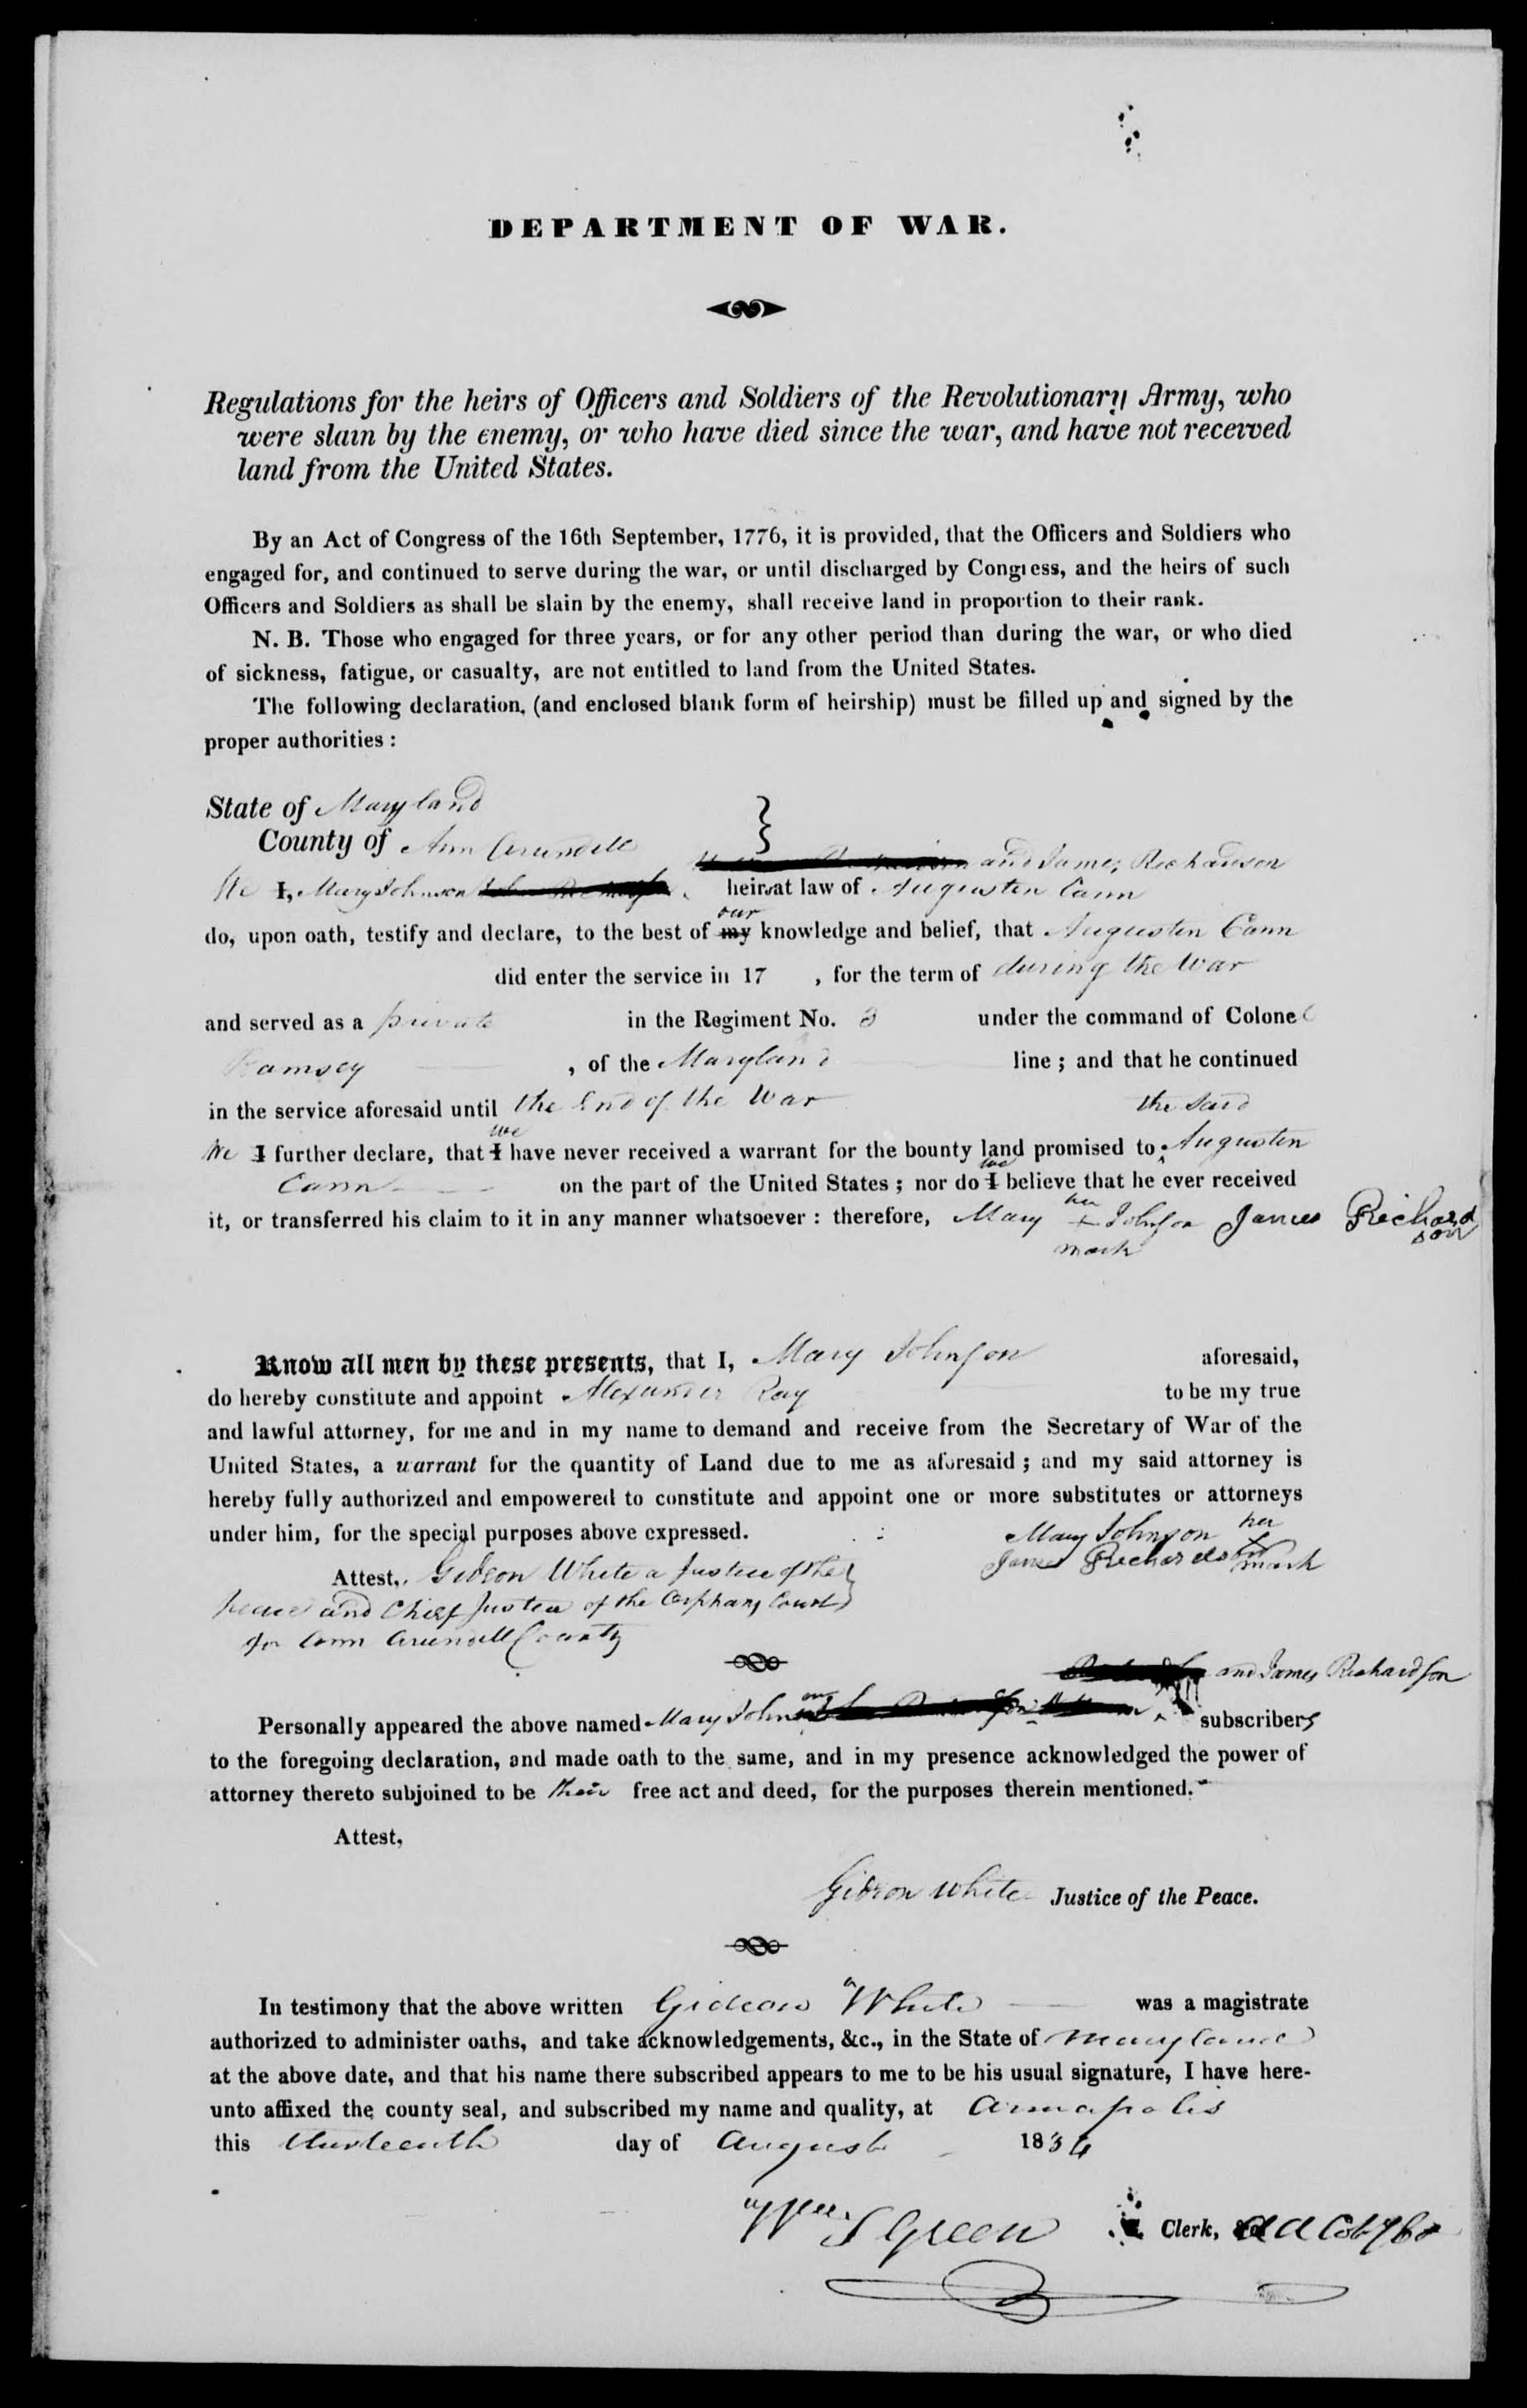DEPARTMENT OF WAR.

Regulations for the heirs of Officers and Soldiers of the Revolutionary Army, who
were slain by the enemy, or who have died since the war, and have not received
land fro the United States.

By an Act of Congress of the 16th September, 1776, it is provided, that the Officers and Soldiers who
engaged for, and continued to serve during the war, or until discharged by Congress, and the heirs of such
Officers and Soldiers as shall be slain by the enemy, shall receive land in proportion to their rank.

N.B. Those who engaged for three years, or for any other period than during the war, or who died
of sickness, fatigue, or casualty, are not entitled to land from the United States.

The following declaration, (and enclosed blank form of heirship) must be filled up and signed by the
proper authorities:

State of Maryland
County of Ann Arundel}
We, Mary Johnson [name crossed off, illegible] heirs at law of Augustin Cann
do, upon oath, testify and declare, to the best of our knowledge and belief, that Augustin Cann
did enter the service in 17__, for the term of during the War
and served as a private in the Regiment No. 3 under the command of Colonel
Ramsey, of the Maryland line; and that he continued
in the service aforesaid until the end of the War 
We further declare, that we have never received a warrant for the bounty land promised to the said Augustin
Cann on the part of the United States; nor do we believe that he ever received 
it, or transferred his claim to in in any manner whatsoever: therefore, Mary + ^her mark^ Johnson James Richard, son

Know all men by these presents, that I, Mary Johnson aforesaid,
do hereby constitute and appoint Alexander Ray to be my true
and lawful attorney, for me and in my name to demand and receive from the Secretary of War of the
United States, a warrant for the quantity of Land due to me as aforesaid; and my said attorney is
hereby fully authorized and empowered to constitute and appoint one or more substitutes or attorneys
under him, for the special purposes above expressed.
Mary Johnson X her mark
James Richardson
Attest, Gideon White a Justice of the
peace and Chief Justice of the Orphans Court
for Ann Arundel County

Personally appeared the above named Mary Johnson and James Richardson subscribers
to the foregoing declaration, and made oath to the same, and in my presence acknowledged the power of
attorney thereto subjoined to be their free act and deed, for the purposes therein mentioned.
Attest, 
[blank]
Gideon White Justice of the Peace.

In testimony that the above written Gideon White was a magistrate
authorized to administer oaths, and take acknowledgements, &c., in the State of Maryland
at the above date, and that his name there subscribed appears to me to be his usual signature, I have hereunto
affixed the county seal, and subscribed my name and quality, at Annapolis
this thirteenth day of August 1834
Wm S Green Clerk, AA Coty Co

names: Alexander Ray, Gideon White, Gideon White, Mary Johnson, Mary Johnson, James Richardson, Augustin Cann, James Richardson, Mary Johnson, Augustin Cann, James Richardson, Augustin Cann, Wm S Green, Mary Johnson, James Richardson, Mary Johnson, Gideon White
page: 3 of 9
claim: bounty land warrant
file: B.L.Wt. 2059-100, Augustine Cann, Md.